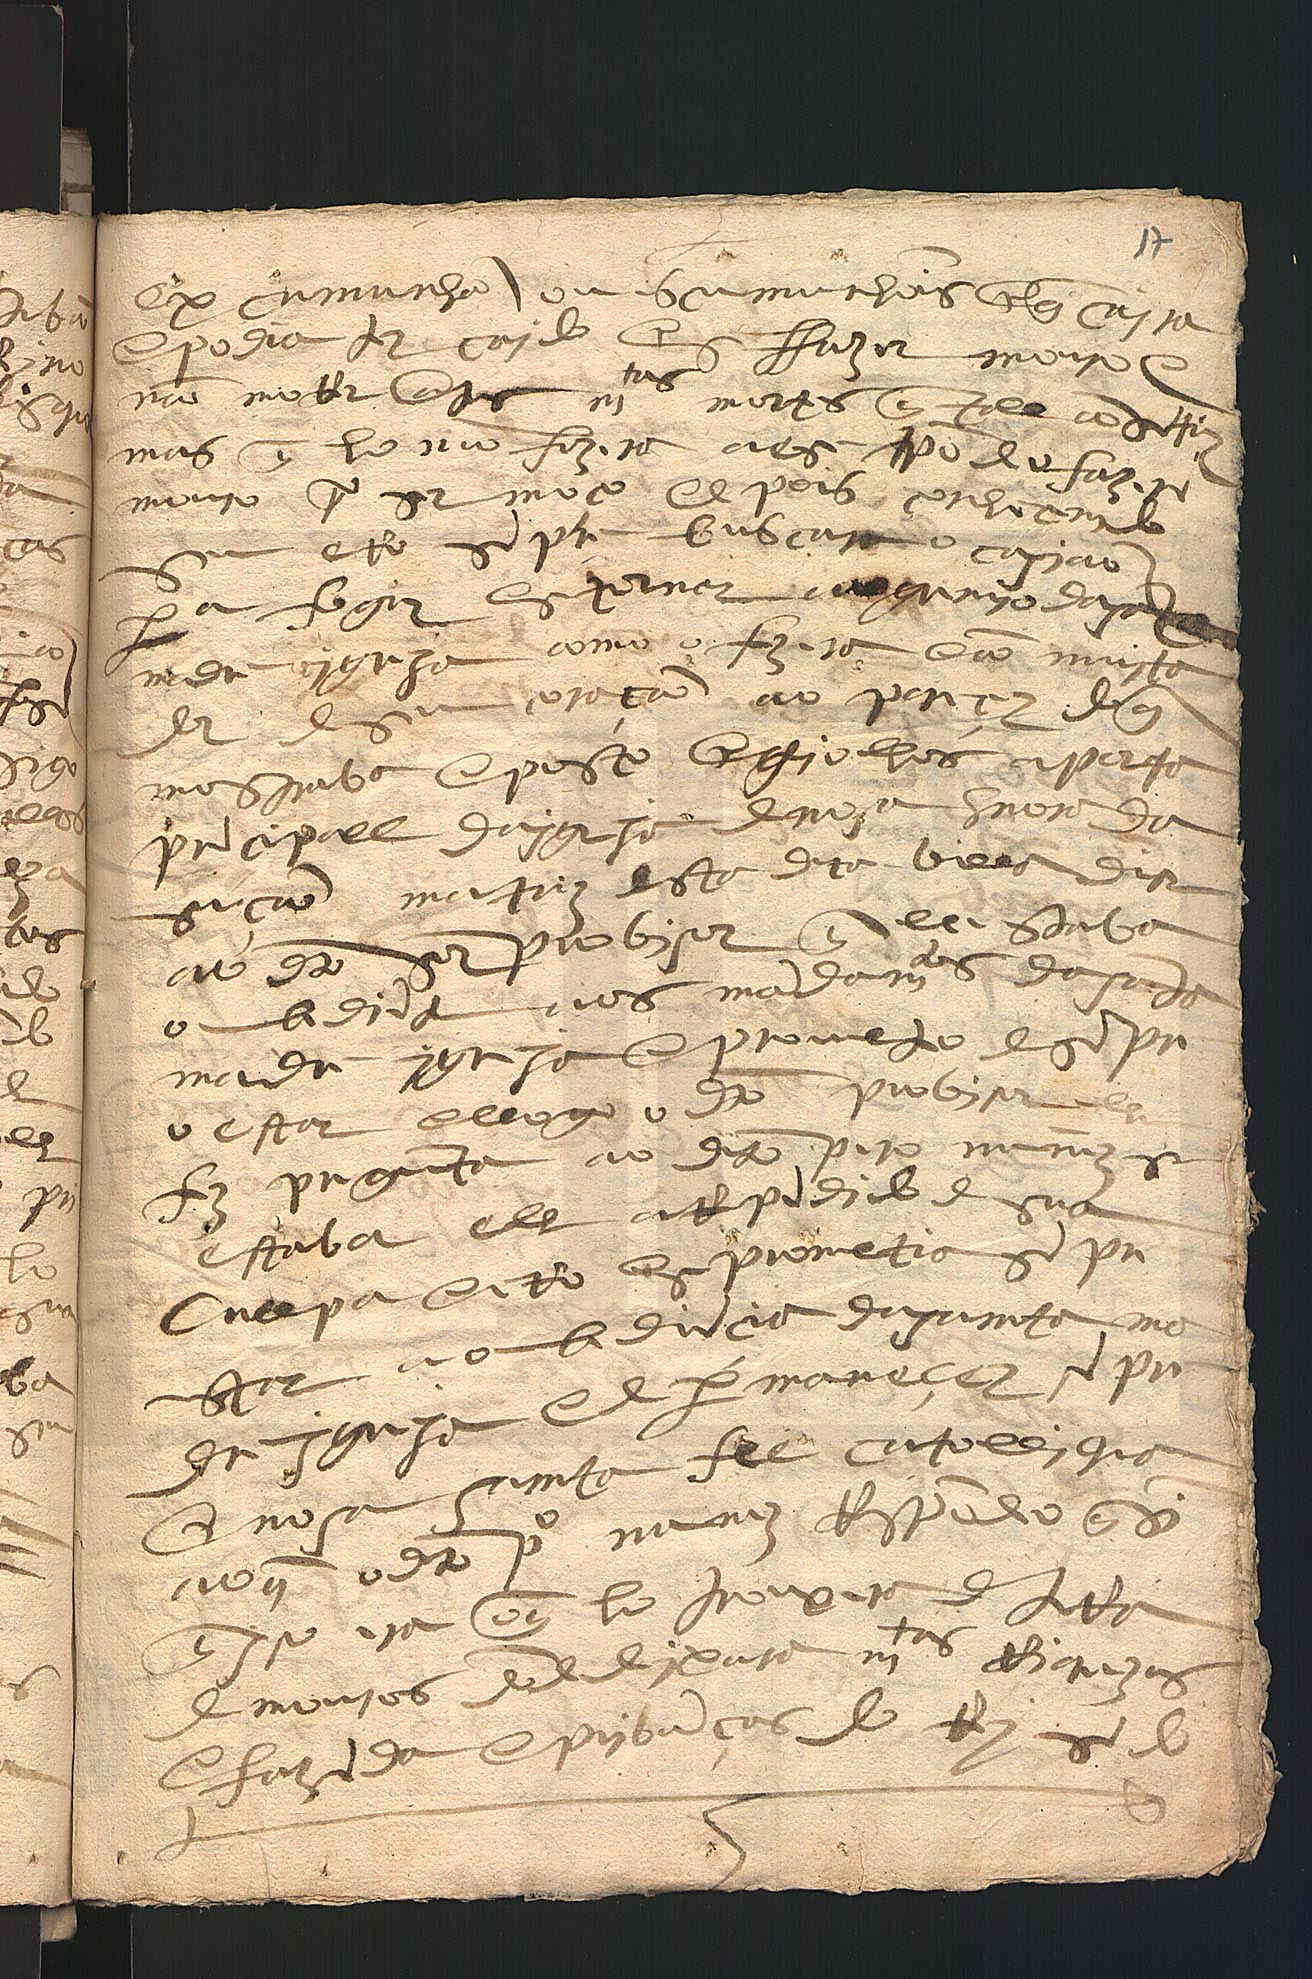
excumunhaõ ou escumunhõis ē q̄ cajra
e podia ter cajdo e se ffazer mouro e
não moRer ātes mtas mortes q̄ tall cōsētir
mas q̄ ho naõ fezera a ese tpō de o fazerē
mouro p̄o ser moço e depois conhecemdo
seu eRo sēpre buscara ocasiaõ
ꝑa fogir e se tornar ao gremjo da sāta
madre igreJa como o fezera e c̄o mujta
dor de seu coração ao parecer do q̄
mostrava e posto ē giolhos a porta
prīcipall da jgreJa de nosa Snora da
sunção matriz desta dita villa dise
ao dt̄o s̄or provjsor q̄ elle estava
obediēte aos mādamtos da sāta
madre jgreJa e prometeo de sēpre
o estar e llogo o dt̄o provjsor lhe
fez pregūta ao dito pero nun̄ez se
estava elle aRepēdido de sua
Cullpa e eRo e se prometia sēpre
estar a obediēcia da samta ma
dre JgreJa e de ꝑmanecer sēpre
ē nosa samta fee catolljqua
ao q̄ o dito po nunez Respōdeo q̄ sī
q̄ jso era o q̄ ho trouxera de teRa
de mouros dōde dejxara mtas Riquezas
e fazēda e privāças do Rej sēdo
